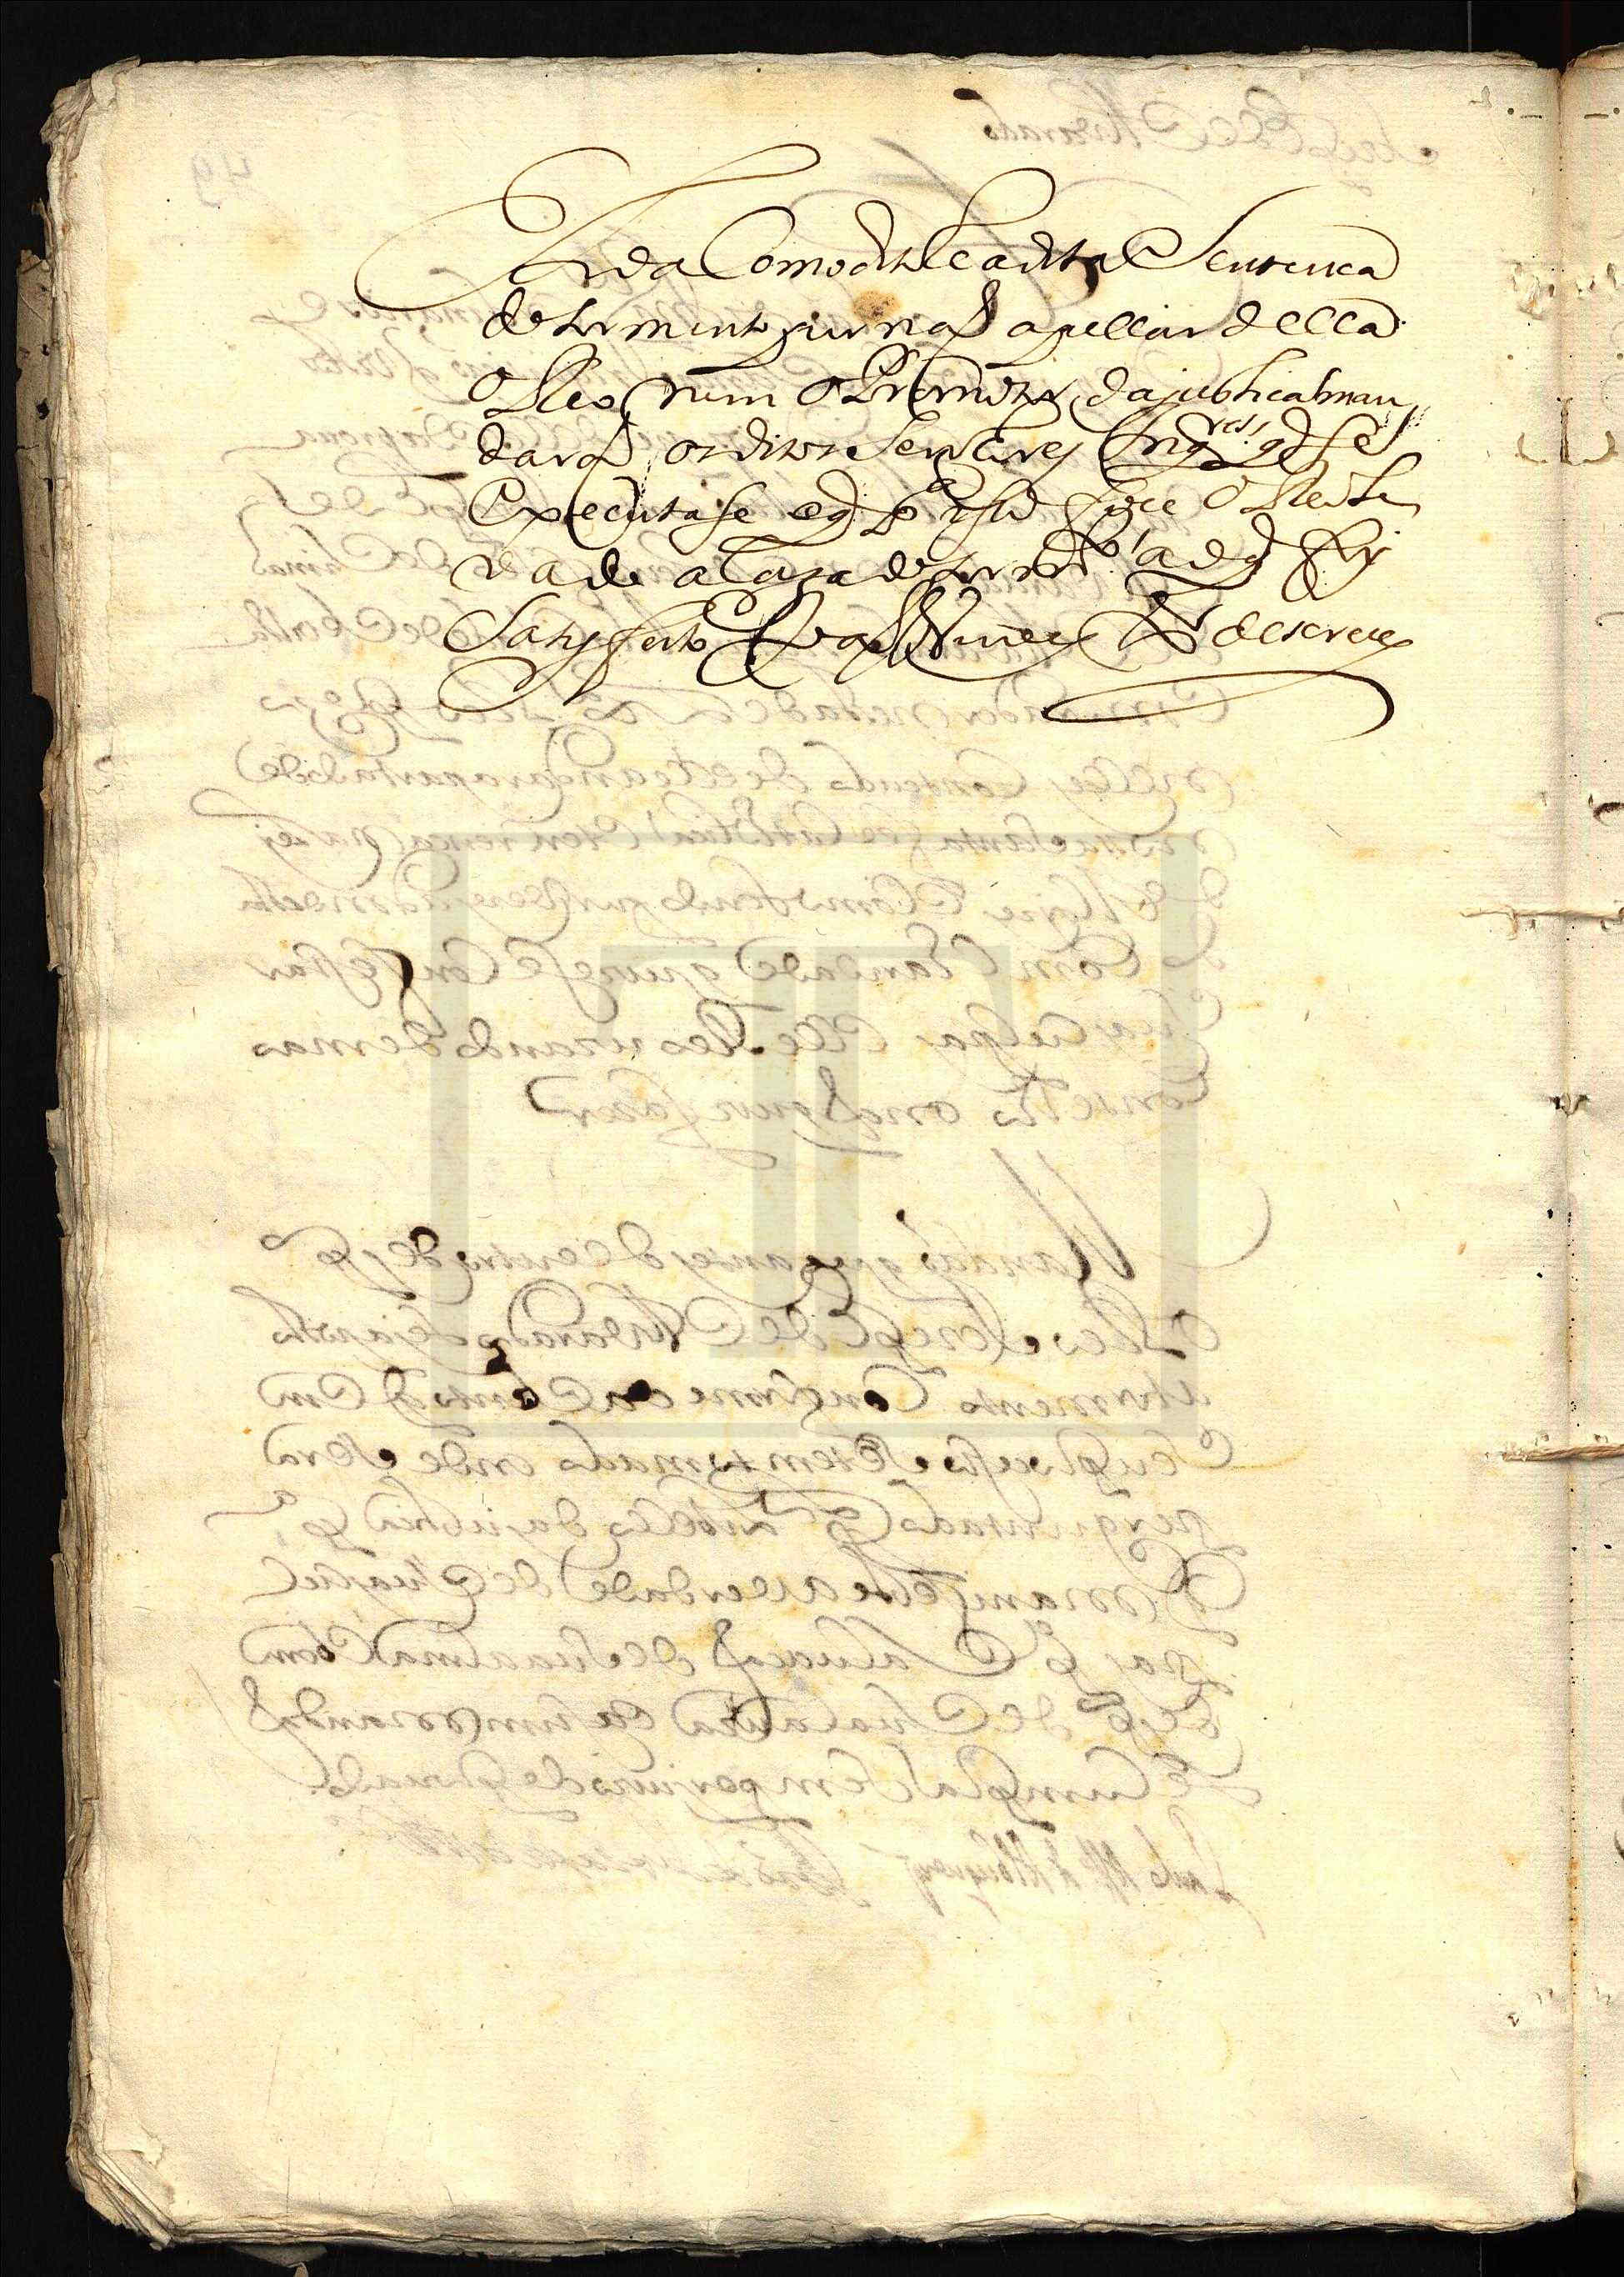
E Lida Como dito he a dita Sentença
do tormento por naõ apellar della
o Reo nem o Promotor da justiça man
daraõ os ditos senhores Inq.res q̄ se
executase e q̄ pa isso foçe o Reo Le
vado a Caza do torm.to ao q̄ foy
Satisfeito Joaõ Nunes Xer o escreuj
